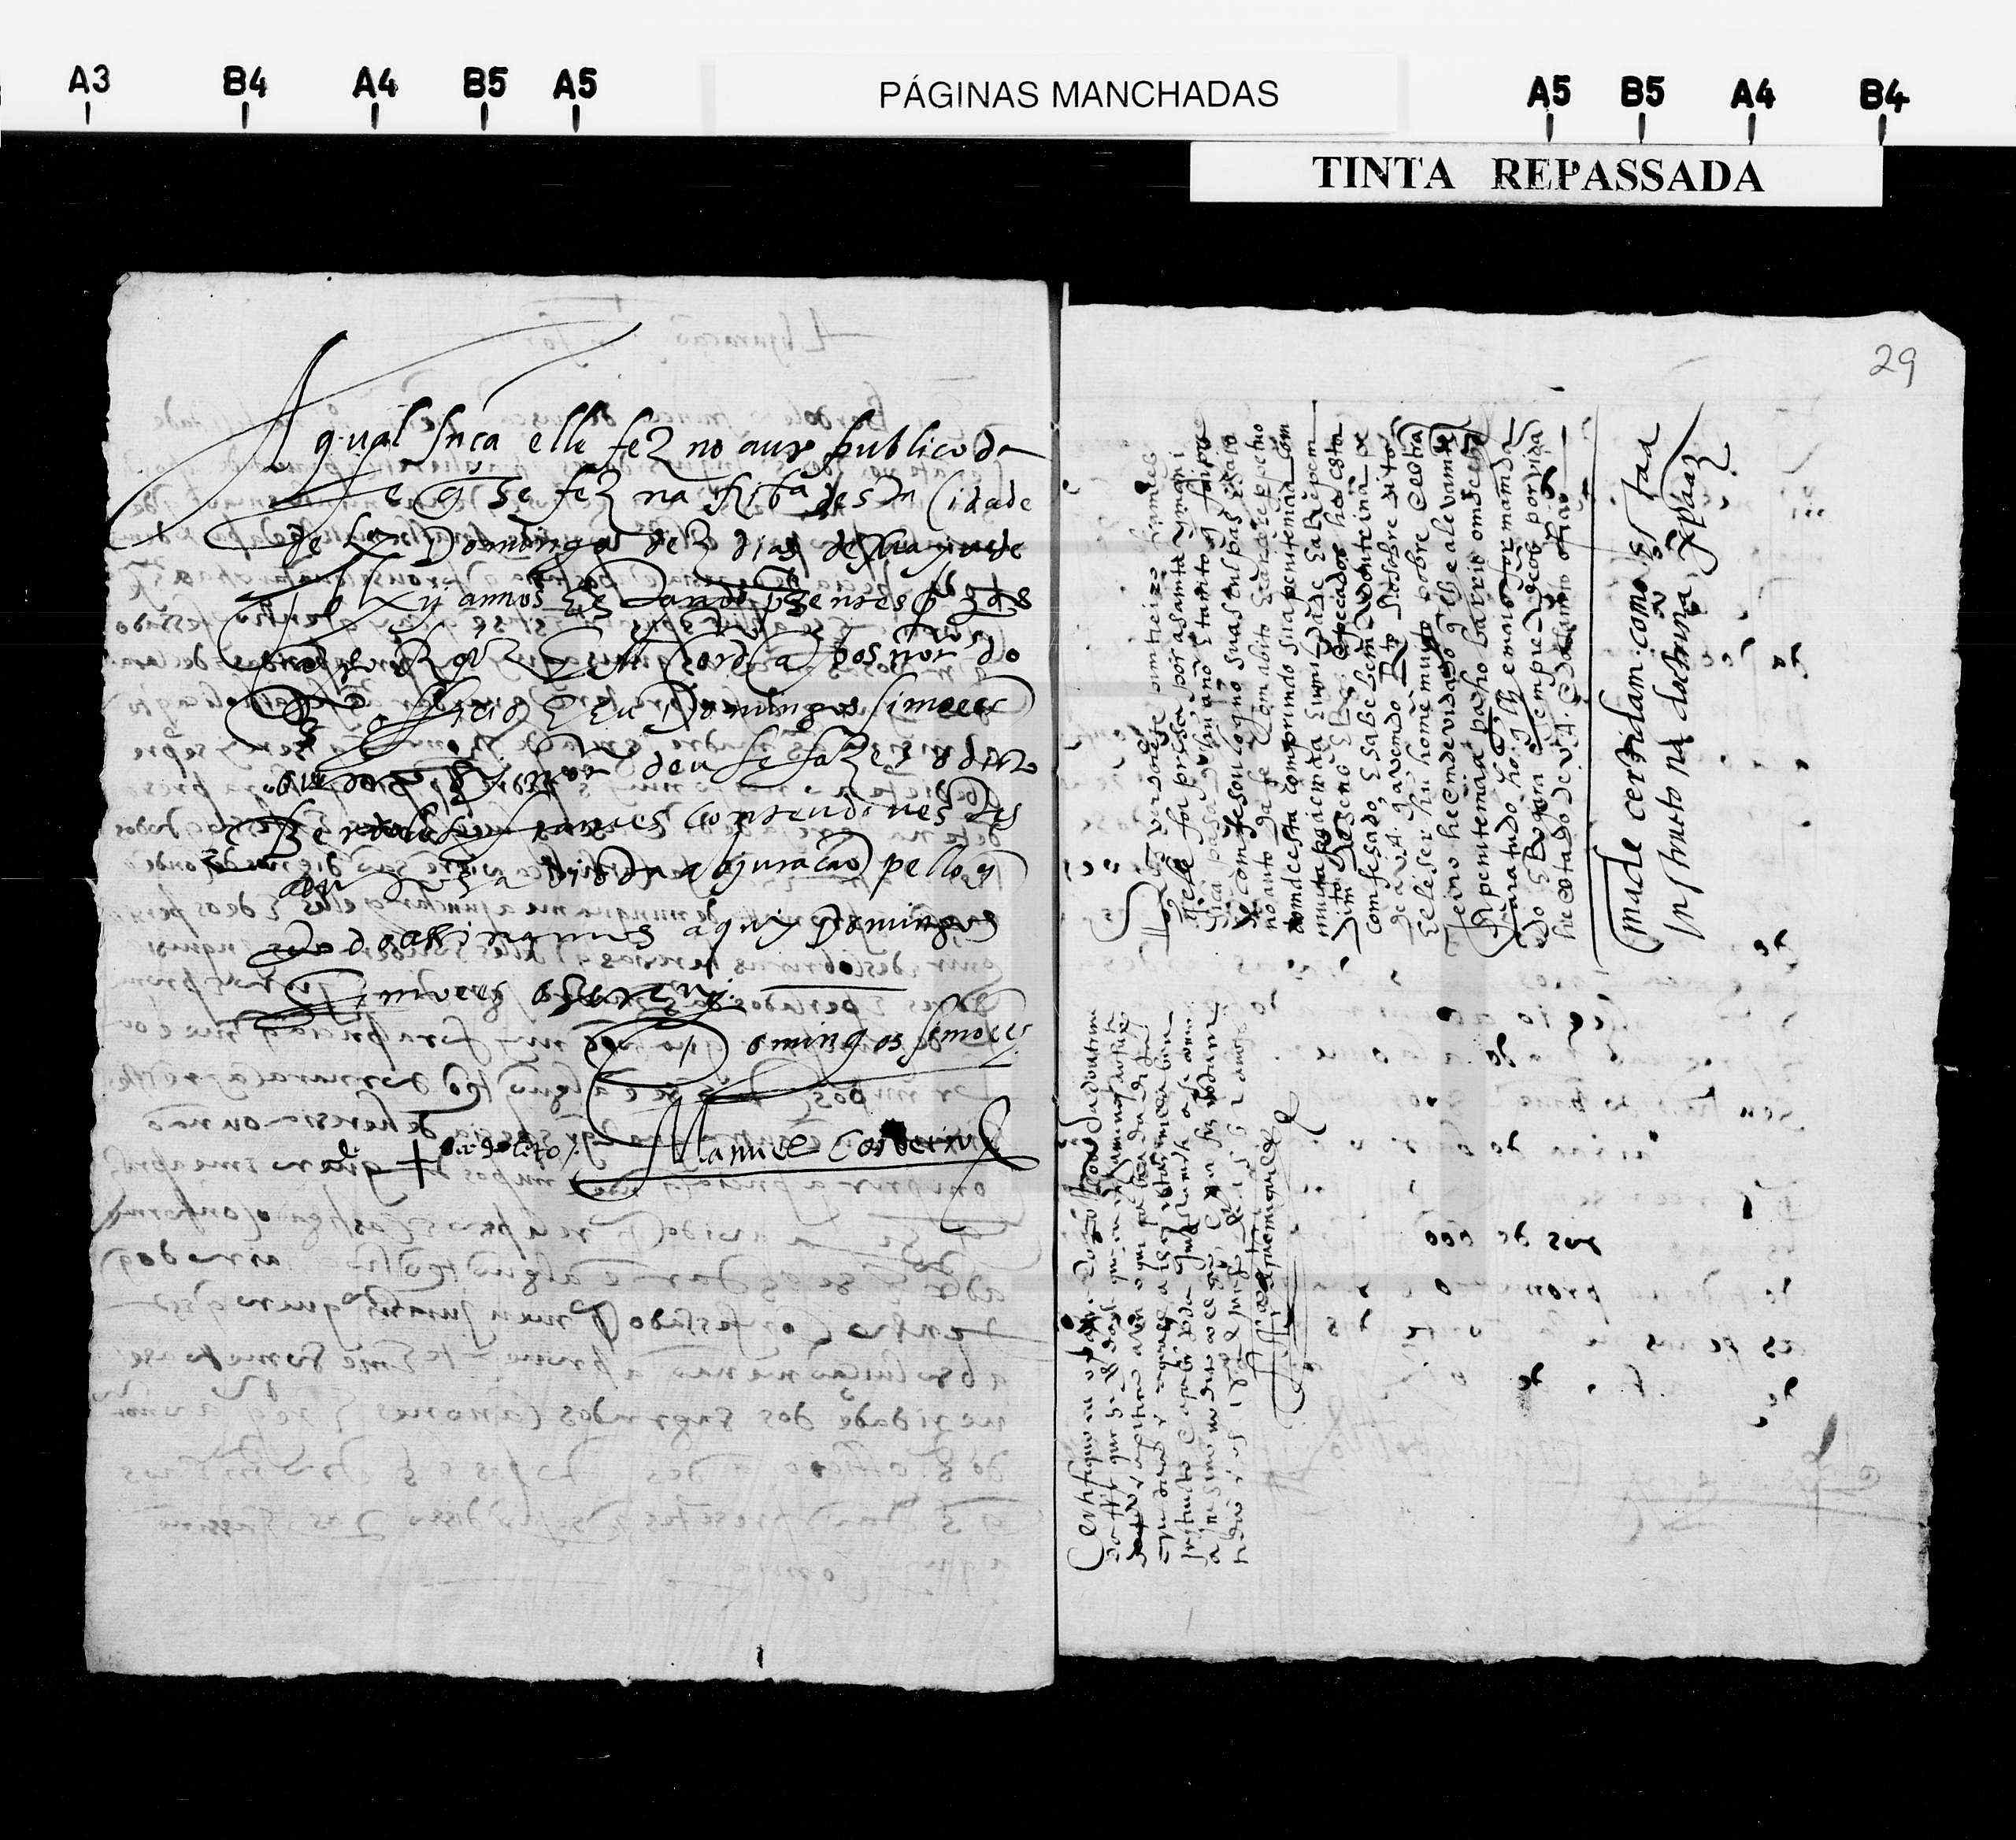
A qual snça elle fez no auto publico da
fe q̄ se fez na Rib̄a desta Cidade
de Lxa Domingo dez dias de Mayo de
j̄ blxij annos E stando p̄sentes p̄o tas
āto Roiz̄ q̄ E Mel Cordro ābos notros do
sto officio E Eu Domingos Simoeẽs
outrosy notro dou fe fazer o dicto
Berdoleto frances conteudo nestes
autos e vista abjuração pello q̄
todo assinamos aquy Domingos
Simoees o screuy.
Domingos Simoeẽs
Manuel Cordeiro
